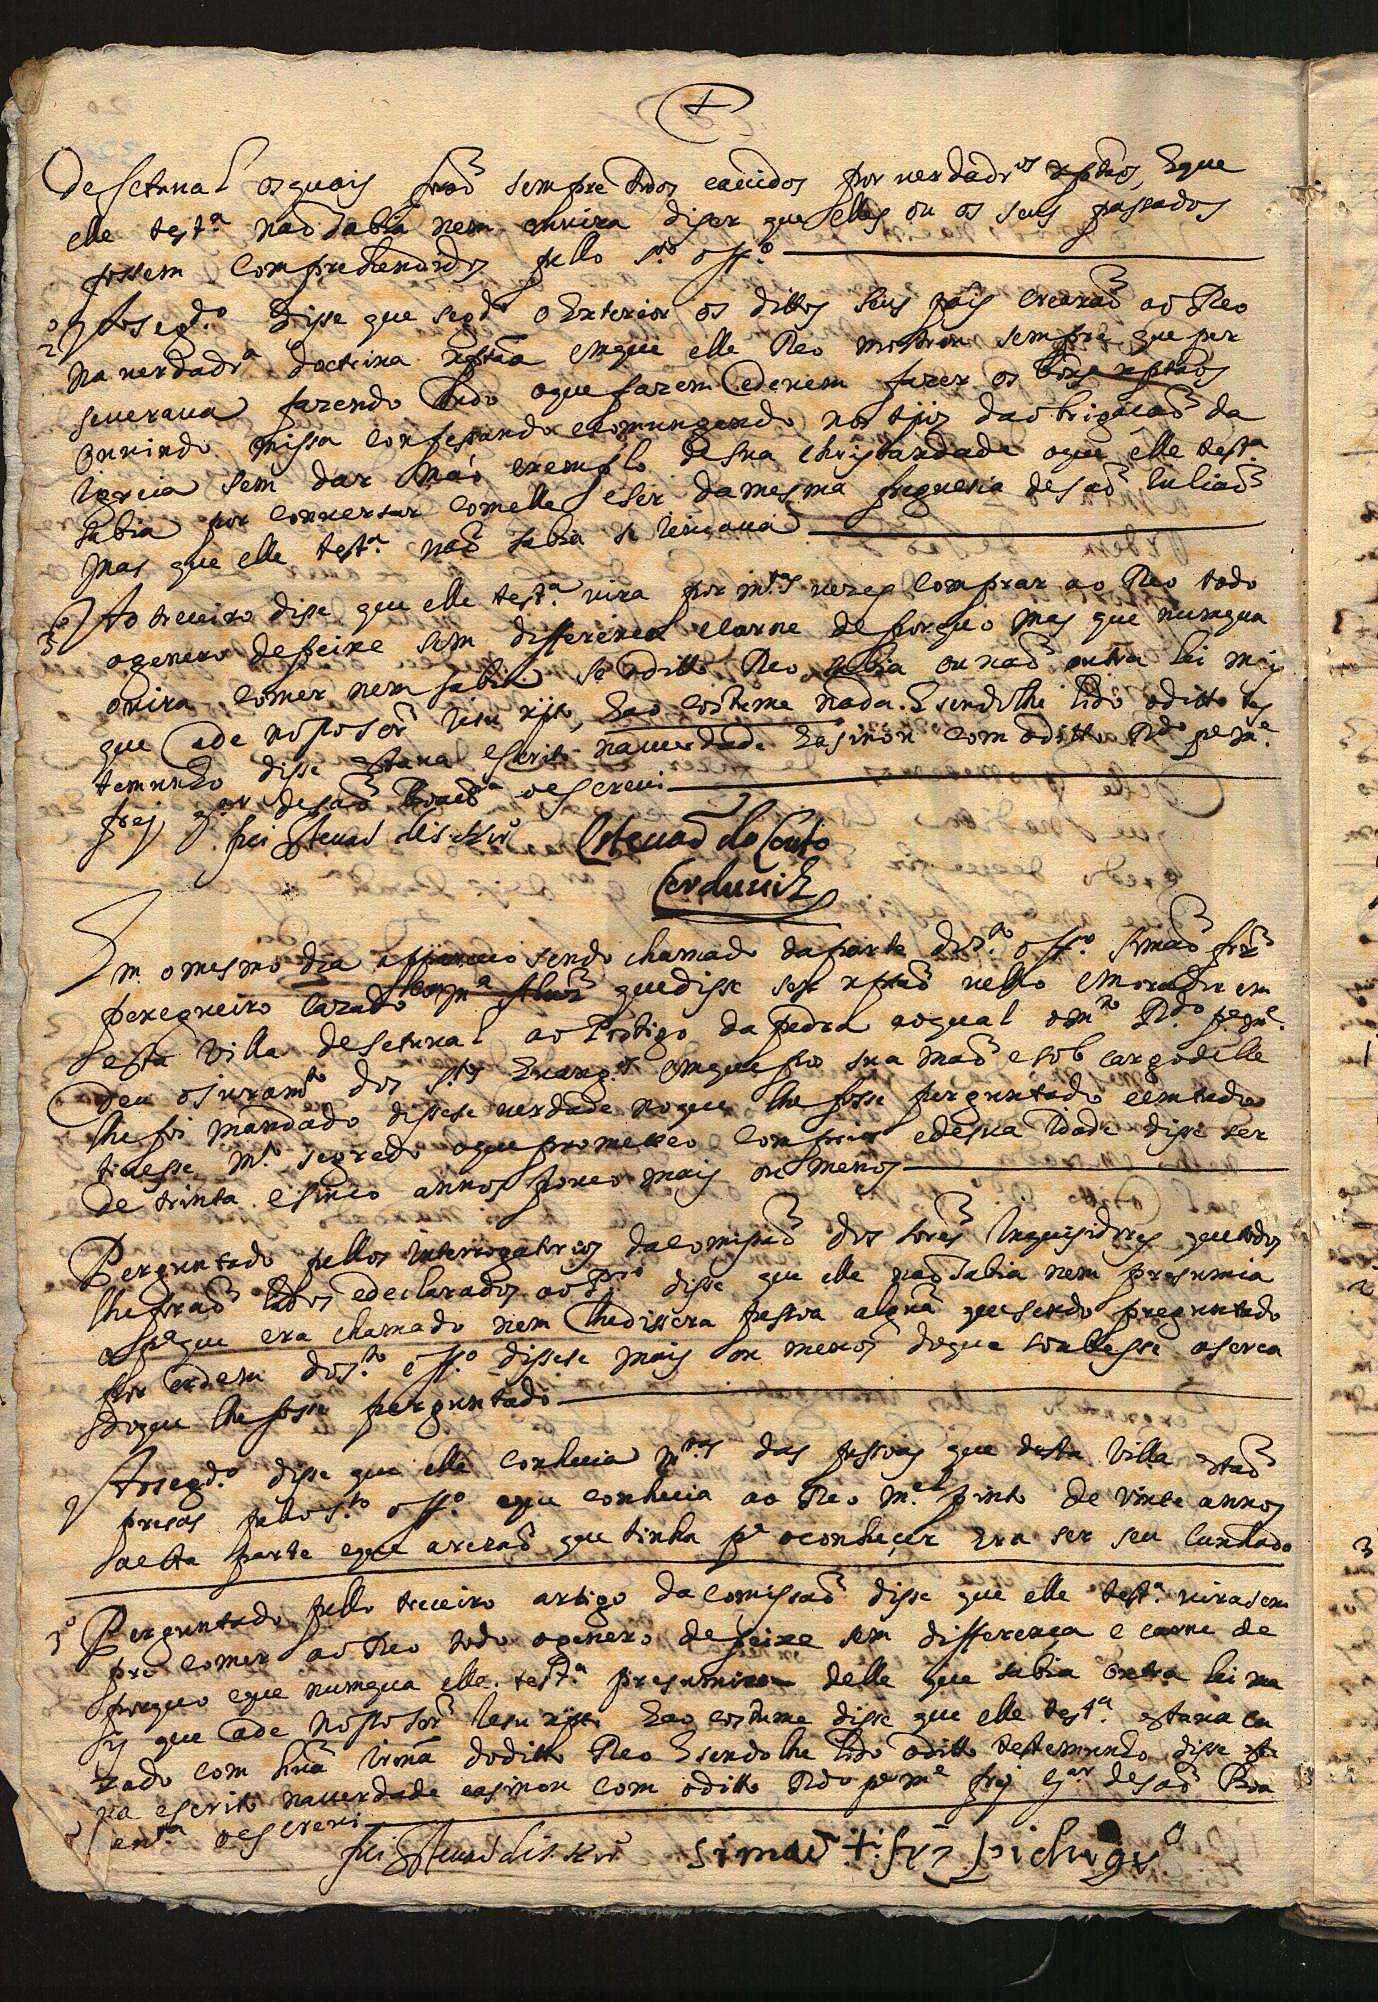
de SetuuaL os quais forão sempre tidos e auidos por uerdadros xptãos, E que
elle test.a não sabia nem ouuira diser que elles ou os seus passados
fossem comprehendidos pello s.to off.o
Ao seg.do disse que segdo o Exterior os dittos seus pais crearão ao Reo
na uerdadra doctrina xptāa em que elle Reo mostrou sempre que per
seueraua fazendo tudo o que fazem e deuem fazer os bons xptãos
Ouuindo missa confessando e comungando nos tpos da obrigaçaõ da
Igreia sem dar máo exemplo de sua christandade o que elle test.a
sabia por conuersar com elle e ser da mesma freguesia de saõ Iuliaõ
Mas que elle testa. naõ sabia se Ieiuaua
3o Ao terceiro disse que elle test.a uira por m.tas uezes comprar ao Reo todo
o genero de peixe sem differenca e carne de porquo mas que nunqua
o uira comer nem sabia se o ditto Reo sabia ou naõ outra lei mais
que a de nosso sor̄ Iesu xpto, E ao costume nada. E sendolhe lido o ditto tes
temunho disse estaua escrito na uerdade E asinou com o ditto Rdo pe me.
frej g.ar de são Boaura o escreui
Em o mesmo dia appareceo sendo chamado da parte do s.to off.o Simaõ frz̄
Pexegueiro cazado com ma Aluz̄ que disse ser xptão uelho e morador em
esta villa de Setuual ao Postigo da pedra ao qual o mto R.do p.e me
deu o Iuramto dos s.tos Euang.os em que pos sua maõ e sob cargo delle
lhe foi mandado dissese uerdade no que lhe fosse perguntado e em tudo
tiuesse m.to segredo o que prometteo comprir e de sua Idade disse ser
de trinta e sinco annos pouco mais ou menos
Perguntado pellos Interrogatorios da comissão dos sores̄ Inquisidores que todos
lhe forão lidos e declarados ao P.ro disse que elle não sabia nem presumia
o pa que era chamado nem lhe dissera pessoa alguā que sendo preguntado
por ordem do s.to off.o dissese mais ou menos do que soubesse aserca
do que lhe fosse perguntado
Ao seg.do disse que elle conhecia m.tas das pessoas que desta Villa estão
presas pello s.to off.o e que conhecia ao Reo m.el pinto de vinte annos
a esta parte e que a rezaõ que tinha pa o conheçer Era ser seu Cunhado
3º Perguntado pello treceiro artigo da comissaõ disse que elle test.a uira sem
pre comer ao Reo todo o genero de peixe sem differença e carne de
porquo e que numqua elle test.a presumira delle que sabia outra lei ma
is que a de nosso sor̄ Iesu xpto E ao costume disse que elle test.a estaua ca
zado com huā Irmā do ditto Reo E sendo lhe lido o ditto testemunho disse esta
ua escrito na uerdade e asinou com o ditto Rdo pe me frej G.ar de saõ Boa
en.ra o escreui
